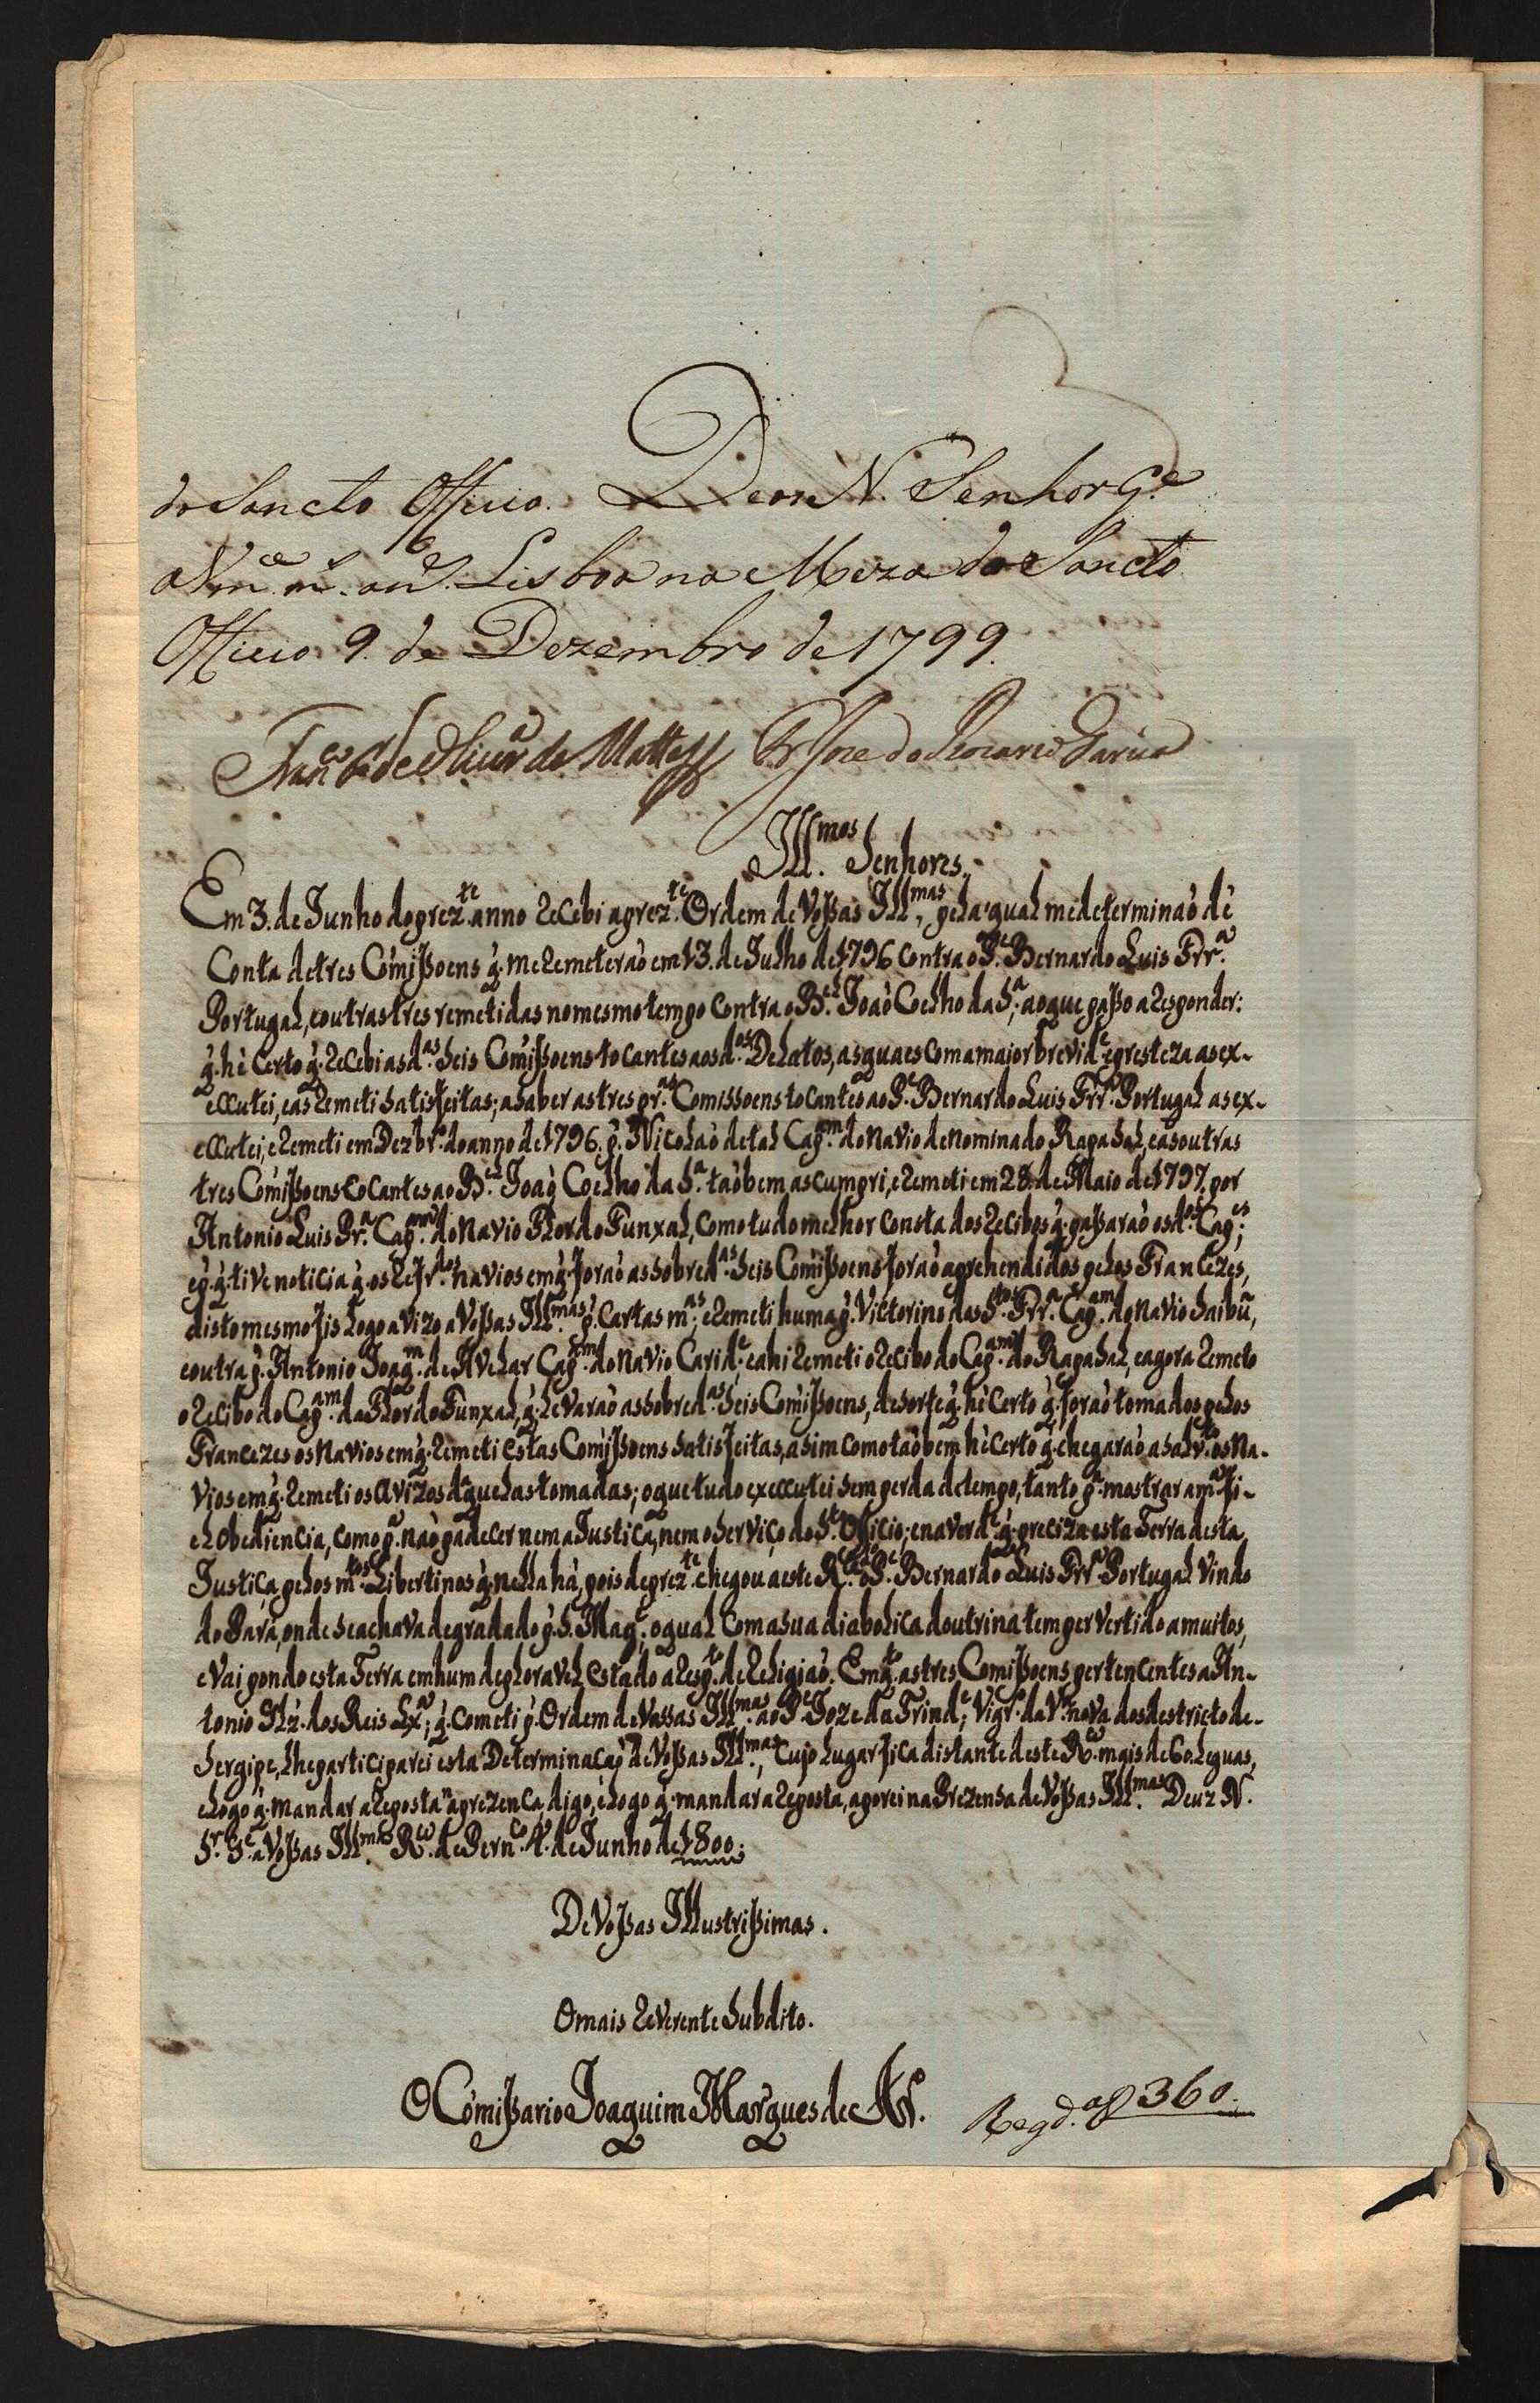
do Sancto Officio. Deos N. Senhor G.e
a Vm.ce m.s an.s Lisboa na Meza do Sancto
Officio 9. de Dezembro de 1799.
Franco Fr de Olivra da Matte
Fr Joze do Rozario Garcia
Ill.mos Senhores.
Em 3. de Junho do prez.te anno Recebi a prez.te Ordem de Vossas Illmas, pela qual me determinaõ dé
Conta de tres Com̄issoens, q̄ me Remeteraõ em 13 de Iulho de 1796 Contra o P.e Bernardo Luis Frr.a
Portugal, e outras tres remetidas no mesmo tempo contra o B.el Ioaõ Coelho da S.a, ao que passo a Responder:
q̄ hé certo q̄ Recebi as d.as seis Comissoens tocantes aos d.os Delatos, as quaes com a maior brevide e presteza as ex
eCCutei; e as Remiti satisfeitas, a saber as tres pr.as Comissoens tocantes ao P.e Bernardo Luis Frr.a Portugal as ex
eCCutei, e Remeti em Dezbr.o do anno de 1796 p̄ Nicolaõ de tal Cap.am do navio denominado Rapasal e as outras
tres Comissoens toCantes ao B.el Ioaõ Coelho da S.a taõbem as cumpri, e Remeti em 28. de Maio de 1797. por
Antonio Luis Pr.a Cap.am do Navio Bordo Funxal, como tudo melhor consta dos Recibos q̄ passaraõ os d.os Cap.es;
e p̄ q̄ tiVe noticia q̄ os Refr.dos naVios em q̄ foraõ as sobred.as seis Comissoens foraõ aprehendidos pelos FranCeZes,
disto mesmo fis Logo avizo a Vossas Ill.mas p̄ Cartas m.as e Remeti huma q̄ Victorino das S.tos Frr.a Cap.am do navio saibū,
e outra p̄. Antonio Ioaq.m de AVelar Cap.am do navio Carid.e e ahi Remeti o ReCibo do Cap.am do Rapasal, e agora Remeto
o Recibo do Cap.am da Bordo Funxal, q̄ leVaraõ as sobred.as seis Comissoins, de sorte q̄ li Certo q̄ foraõ tomados pelos
Francezes os Navios em q̄ Remeti estas Comissoens satisfeitas, asim como taõbem hé certo q̄ chegaraõ a salv.to os Na
vios em q̄. Remeti os avizos d'quelas tomadas; o que tudo exeCCutei sem perda de tempo, tanto p.a mostrar a ma fi
el obediencia, como p̄ naõ padecer nem a Iustica, nem o serviço do S.to Officio, e na verde q̄. preciza esta Terra desta
IustiÇa pelos m.tos Libertinos q̄ nella há pois de prezte chegou a este R.ce o P.e Bernardo Luis Frr.a Portugal Vindo
do Para, onde se achara degradado p̄ S. Mage; o qual com a sua diabolica doutrina tem pervertido a muitos,
e Vai pondo esta Terra em hum deploravel estado a Resp.to de Religiaõ Emqto as tres Comissoens pertenCentes a An
tonio Glz̄. dos Reis Lx.a; q̄ cometi p̄ Ordem de Vossas Ill.mas ao P.e Ioze da Trind;e Vigr.o da V. nova dos destrito de
Sergipe, lhe participarei esta Determinaçaõ de Vossas Ill.mas Cujo Lugar fica distante deste R.co mais de 60. leguas,
e logo q̄ mandar a Resposta apreZenÇa digo, e logo q̄ mandar a Resposta, a porei na PreZensa de Vossas Ill.mas Deuz N.
S.r G.e a Vossas Ill.mas R.co de Pern.co 4. de Iunho de 1800;
De Vossas Illustisimas.
O mais ReVerente subdito.
O Comissario Ioaquim Marques de Ar.o Regd.a f360.
